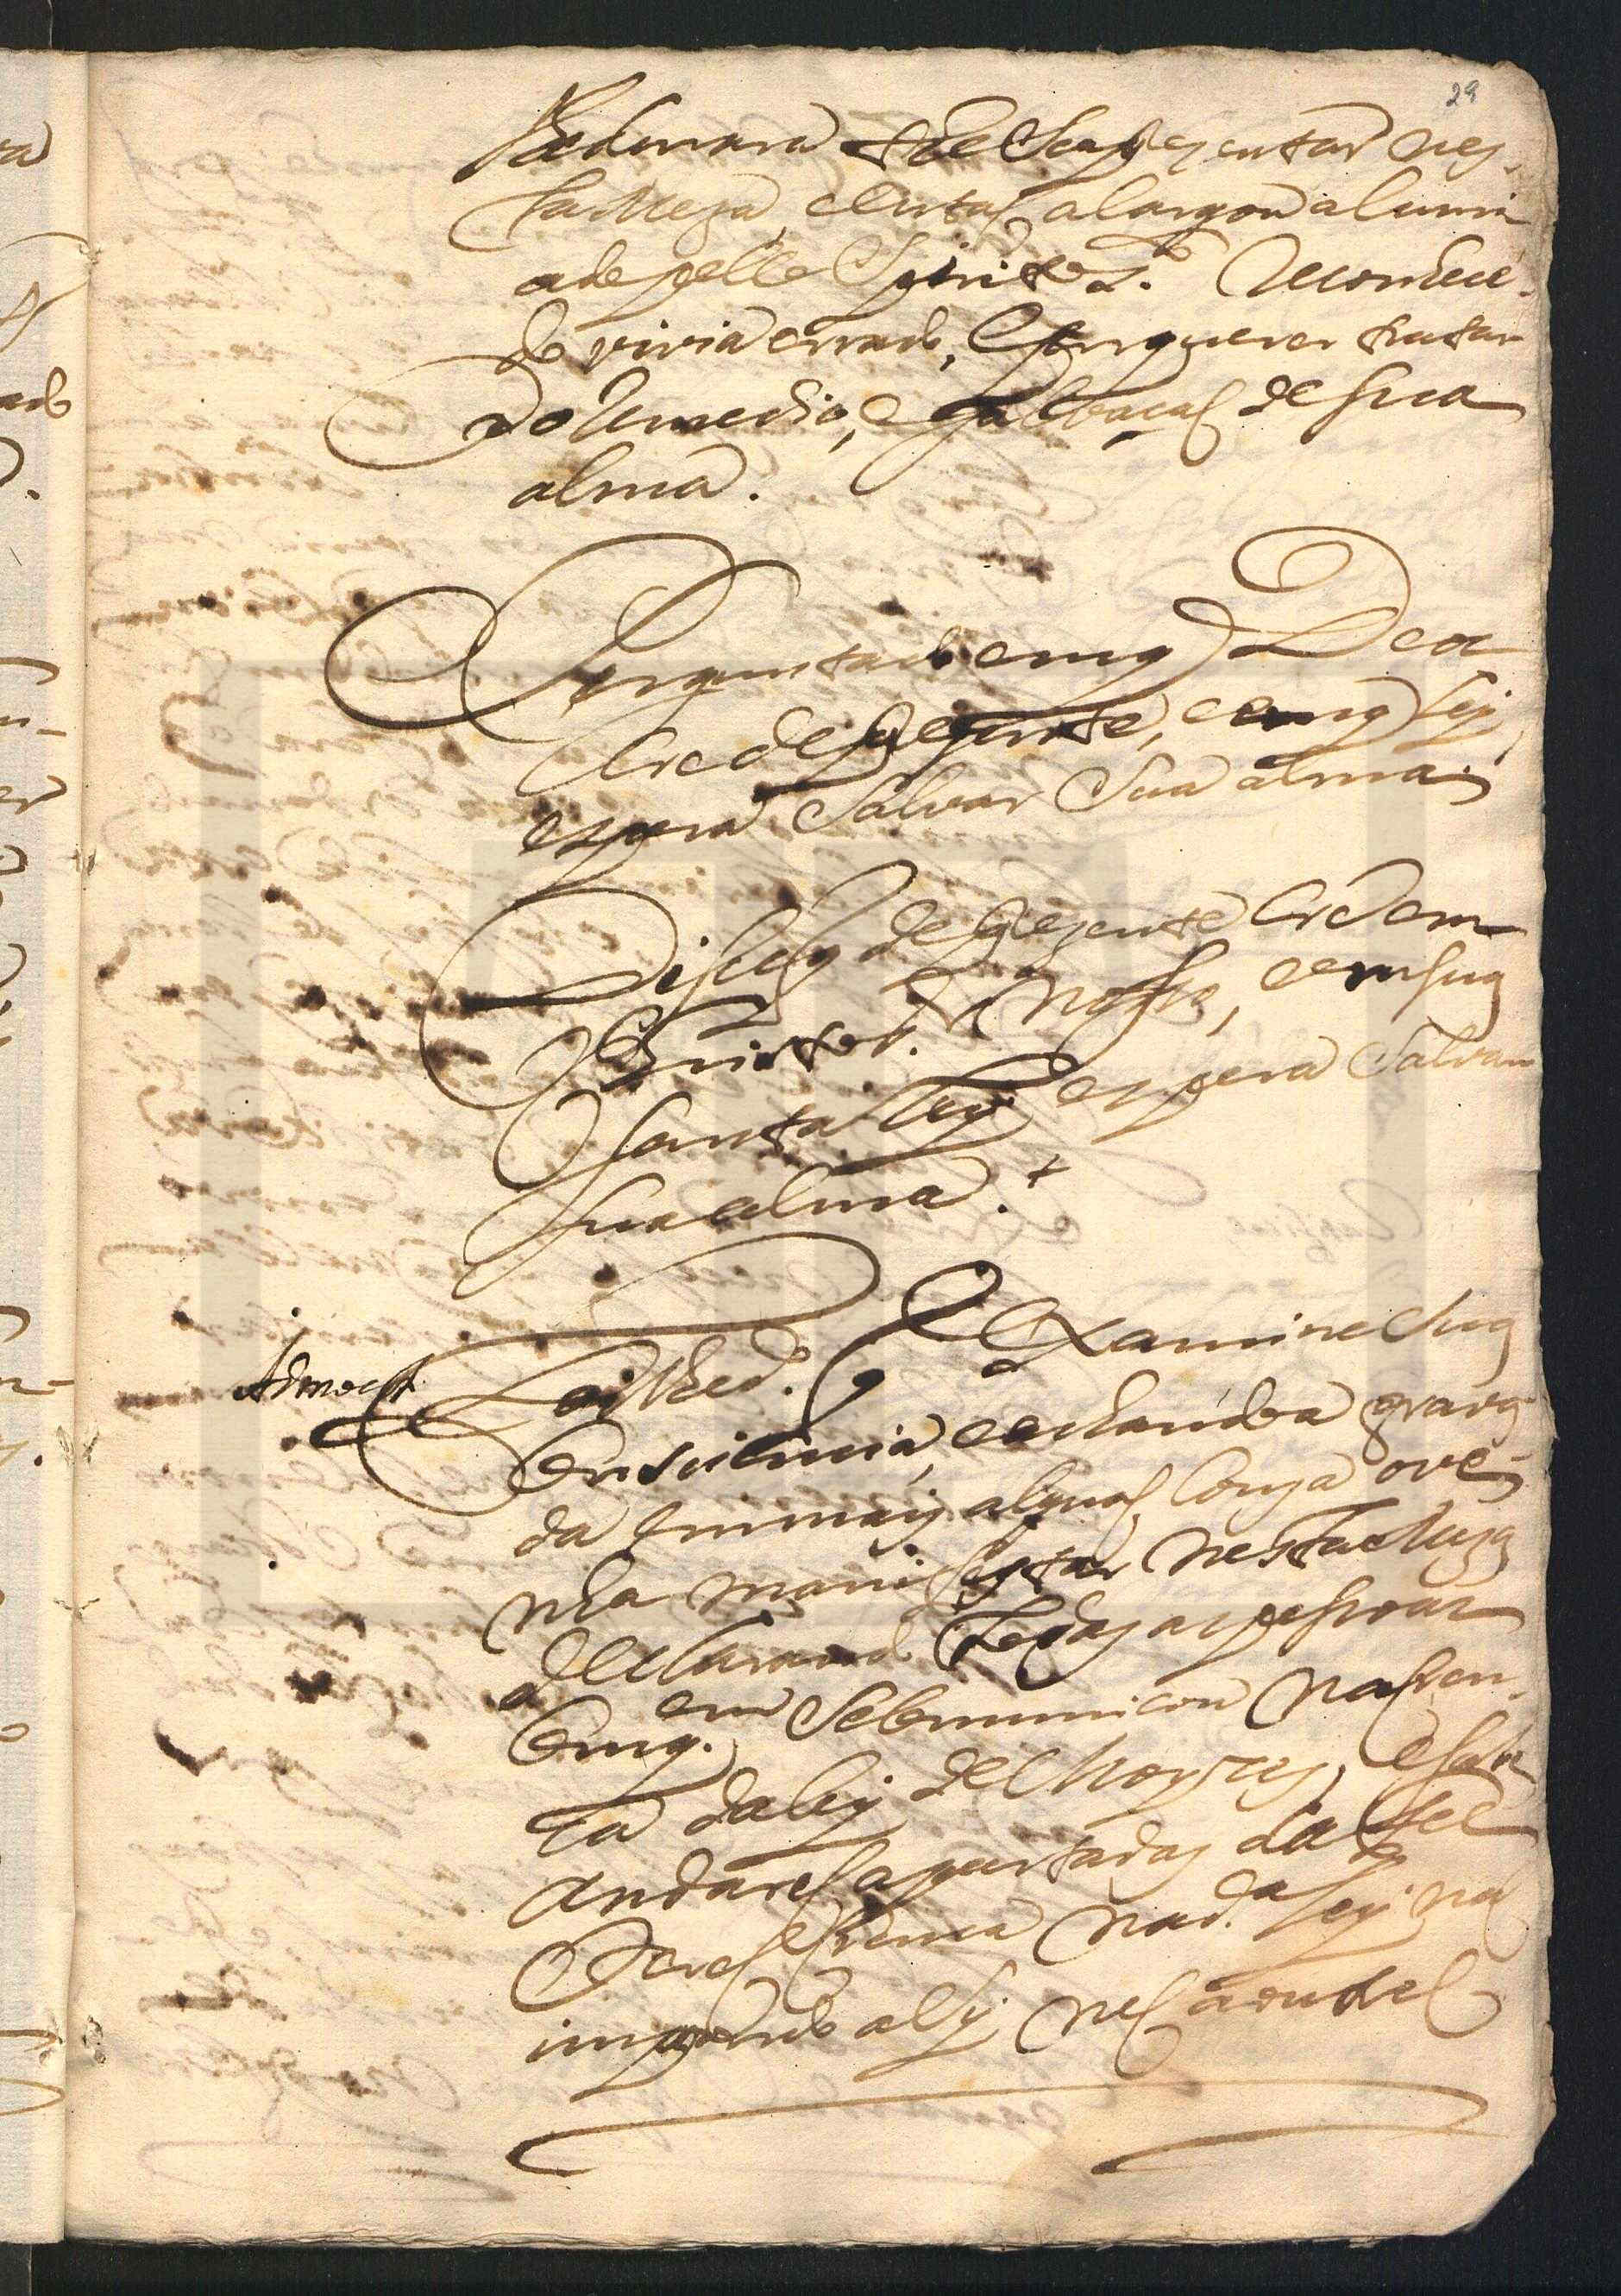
Admoest.
lhe durara the se aprezentar nes
ta Meza, e entaõ a largou alumi
ada pello Spirito s.to Reconhece
do vivia errado, e por querer tratar
do Remedio, e salvaçaõ de sua
alma.
Perguntado em q̄ Deos
cre de presente, e em q̄ ley
espera Salvar Sua alma.
Disse q̄ de prezente Cre em
Christo s.or nosso, e em sua
santa Ley ezpera Salvar
sua alma. +
Foilhe d.o q̄ Examine sua
Consciencia, e achandoa grava
da em mais alguā Couza o ve
nha manifestar nesta Meza
declarauaõ todas as pessoas
Com q.em Se comunicou na Cren
ça da ley de Moyzes, e sabe
andarē apartadas da Fee
e terē Crença na d.a Ley nā
impondo a sy nē a outrē
